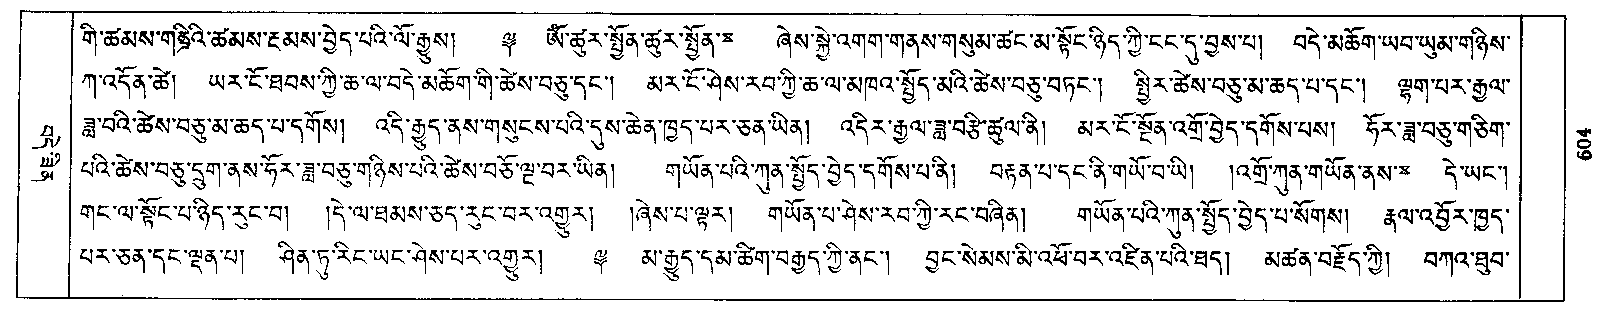གི་ཚམས་གཎྜིའི་ཚམས་རྔམས་བྱེད་པའི་ལོ་རྒྱུས། ༈ ཨོཾ་ཚུར་སྤྱོན་ཚུར་སྤྱོན་྾་ཞེས་སྐྱེ་འགག་གནས་གསུམ་ཚང་མ་སྟོང་ཉིད་ཀྱི་ངང་དུ་བྱས་པ། བདེ་མཆོག་ཡབ་ཡུམ་གཉིས་
ཀ་འདོན་ཚེ། ཡར་ངོ་ཐབས་ཀྱི་ཆ་ལ་བདེ་མཆོག་གི་ཚེས་བཅུ་དང་། མར་ངོ་ཤེས་རབ་ཀྱི་ཆ་ལ་མཁའ་སྤྱོད་མའི་ཚེས་བཅུ་བཏང་། སྤྱིར་ཚེས་བཅུ་མ་ཆད་པ་དང་། ལྷག་པར་རྒྱལ་
ཟླ་བའི་ཚེས་བཅུ་མ་ཆད་པ་དགོས། འདི་རྒྱུད་ནས་གསུངས་པའི་དུས་ཆེན་ཁྱད་པར་ཅན་ཡིན། འདིར་རྒྱལ་ཟླ་བརྩི་ཚུལ་ནི། མར་ངོ་སྔོན་འགྲོ་བྱེད་དགོས་པས། ཧོར་ཟླ་བཅུ་གཅིག་
པའི་ཚེས་བཅུ་དྲུག་ནས་ཧོར་ཟླ་བཅུ་གཉིས་པའི་ཚེས་བཅོ་ལྔ་བར་ཡིན། གཡོན་པའི་ཀུན་སྤྱོད་བྱེད་དགོས་པ་ནི། བརྟན་པ་དང་ནི་གཡོ་བ་ཡི། །འགྲོ་ཀུན་གཡོན་ནས་྾་དེ་ཡང་།
གང་ལ་སྟོང་པ་ཉིད་རུང་བ། །དེ་ལ་ཐམས་ཅད་རུང་བར་འགྱུར། །ཞེས་པ་ལྟར། གཡོན་པ་ཤེས་རབ་ཀྱི་རང་བཞིན། གཡོན་པའི་ཀུན་སྤྱོད་བྱེད་པ་སོགས། རྣལ་འབྱོར་ཁྱད་
པར་ཅན་དང་ལྡན་པ། ཤིན་ཏུ་རིང་ཡང་ཤེས་པར་འགྱུར། ༈ མ་རྒྱུད་དམ་ཚིག་བརྒྱད་ཀྱི་ནང་། བྱང་སེམས་མི་འཕོ་བར་འཛིན་པའི་ཐད། མཚན་བརྗོད་ཀྱི། བཀའ་ཐུབ་